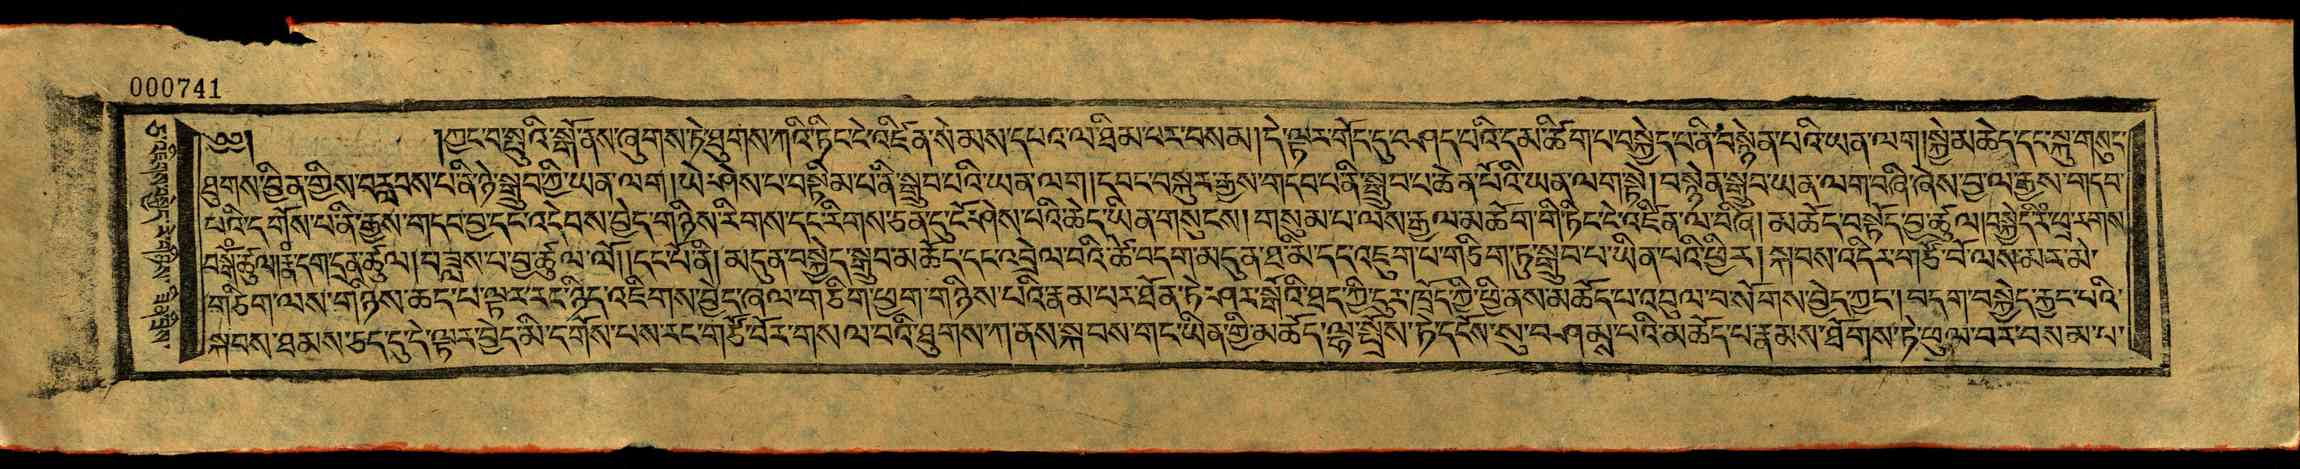༄༅། །ཀྱང་བ་སྤུའི་སྒོ་ནས་ཞུགས་ཏེ་ཐུགས་ཀའི་ཏིང་ངེ་འཛིན་སེམས་དཔའ་ལ་ཐིམ་པར་བསམ། དེ་ལྟར་གོང་དུ་བཤད་པའི་དམ་ཚིག་པ་བསྐྱེད་པ་ནི་བསྙེད་པའི་ཡན་ལག །སྐྱེ་མཆོད་དང་སྐུ་གསུང་
ཐུགས་བྱིན་གྱིས་བརླབས་པ་ནི་ཉེ་སྒྲུབ་ཀྱི་ཡན་ལག །ཡེ་ཤེས་པ་བསྟིམ་པ་ནི་སྒྲུབ་པའི་ཡན་ལག །དབང་བསྐུར་རྒྱས་གདབ་པ་ནི་སྒྲུབ་པ་ཆེན་པོའི་ཡན་ལག་སྟེ། བསྙེན་སྒྲུབ་ཡན་ལག་བཞི་ཞེས་བྱ་ལ་རྒྱས་གདབ་
པའི་དགོས་པ་ནི་རྒྱས་གདབ་བྱ་དང་འདེབས་བྱེད་གཉིས་རིགས་དང་རིགས་ཅན་དུ་ངོ་ཤེས་པའི་ཆེད་ཡིན་གསུངས། གསུམ་པ་ལས་རྒྱལ་མཆོག་གི་ཏིང་ངེ་འཛིན་ལ་བཞི། མཆོད་བསྟོད་བྱ་ཚུལ། བསྐྱེད་རིཾ་ཕྲ་རགས་
བསྒོཾ་ཚུལ། རྣཾ་དག་དྲན་ཚུལ། བཟླས་པ་བྱ་ཚུལ་ལོ། །དང་པོ་ནི། མདུན་བསྐྱེད་སྒྲུབ་མཆོད་དང་འབྲེལ་བའི་ཚེ་བདག་མདུན་ཐ་མི་དད་འཇུག་པ་གཅིག་ཏུ་སྒྲུབ་པ་ཡིན་པའི་ཕྱིར། སྐབས་འདིར་གཙོ་བོ་ལས་མར་མེ་
གཅིག་ལས་གཉིས་ཆད་པ་ལྟར་རང་ཉིད་འཇིགས་བྱེད་ཞལ་གཅིག་ཕྱག་གཉིས་པའི་རྣམ་པར་ཐོན་ཏེ་ཤར་སྒོའི་ཐད་ཀྱི་དུར་ཁྲོད་ཀྱི་ཕྱི་ནས་མཆོད་པ་འབུལ་བ་སོགས་བྱེད་ཀྱང་། བདག་བསྐྱེད་རྐྱང་པའི་
སྐབས་ཐམས་ཅད་དུ་དེ་ལྟར་བྱེད་མི་དགོས་པས་རང་གཙོ་བོར་གསལ་བའི་ཐུགས་ཀ་ནས་སྐབས་གང་ཡིན་གྱི་མཆོད་ལྷ་སྤྲོས་ཏེ་དངོས་སུ་བཤམས་པའི་མཆོད་པ་རྣམས་ཐོགས་ཏེ་ཕུལ་བར་བསམ་པ་